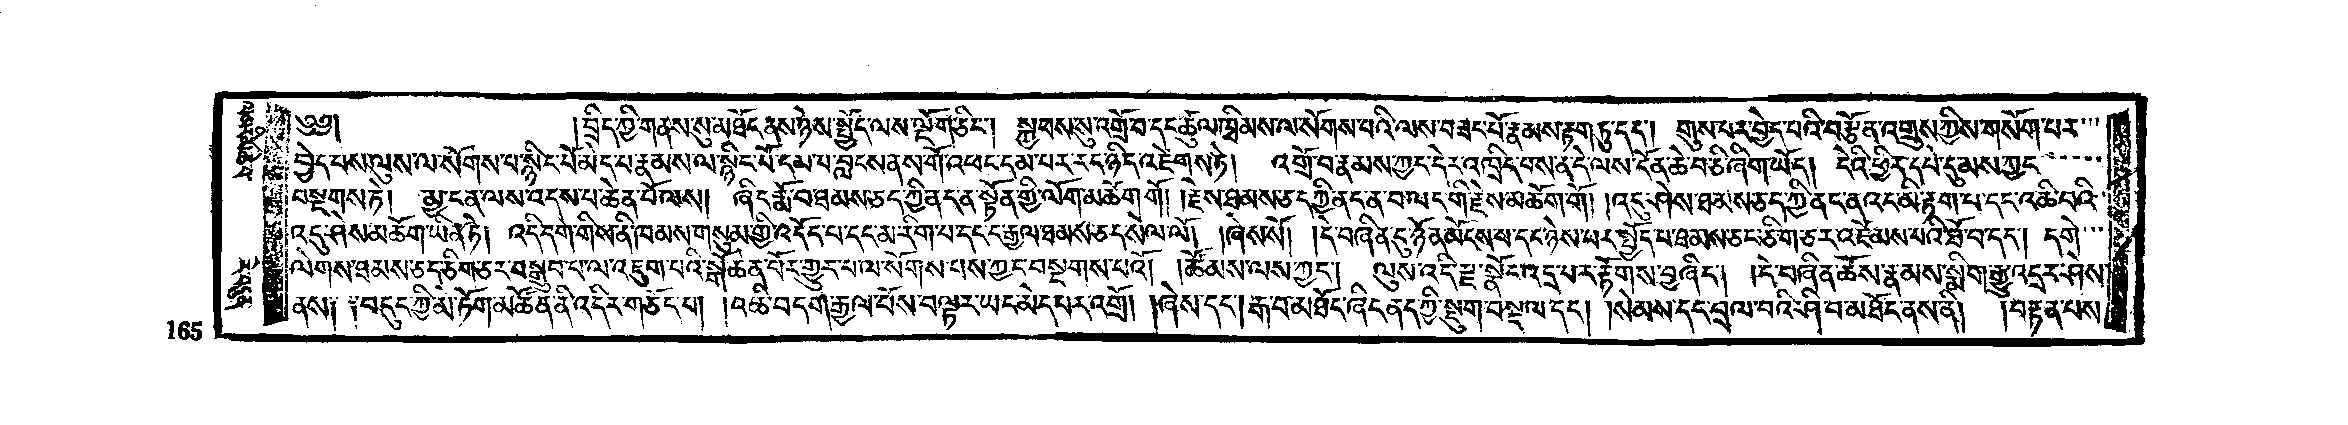བྲིད་ཀྱི་གནས་སུ་མཐོང་ནས་ཉེས་སྤྱོད་ལས་ལྡོག་ཅིང་།སྐྱབས་སུ་འགྲོ་བ་དང་ཚུལ་ཁྲིམས་ལ་སོགས་པའི་ལས་བཟང་པོ་རྣམས་རྟག་ཏུ་དང་། གུས་པར་བྱེད་པའི་བརྩོན་འགྲུས་ཀྱིས་གསོག་པར་བྱེད་པས་ལུས་ལ་སོགས་པ་སྙིང་པོ་མེད་པ་རྣམས་ལ་སྙིང་པོ་དམ་པ་བླངས་ནས་གོ་འཕང་དམ་པར་རང་ཉིད་འཛེགས་ཏེ། འགྲོ་བ་རྣམས་ཀྱང་དེར་འཁྲིད་པས་ན་དེ་ལས་དོན་ཆེ་བ་ཅི་ཞིག་ཡོད། དེའི་ཕྱིར་དཔེ་དུ་མས་ཀྱང་བསྔགས་ཏེ། མྱ་ངན་ལས་འདས་པ་ཆེན་པོ་ལས། ཞིང་རྨོ་བ་ཐམས་ཅད་ཀྱི་ནང་ན་སྟོན་གྱི་ལོག་མཆོག་གོ། །རྗེས་ཐམས་ཅད་ཀྱི་ནང་ན་བ་ལང་གི་རྗེས་མཆོག་གོ། །འདུ་ཤེས་ཐམས་ཅད་ཀྱི་ནང་ནའང་མི་རྟག་པ་དང་འཆི་བའི་འདུ་ཤེས་མཆོག་ཡིན་ཏེ། འདི་དག་གིས་ནི་ཁམས་གསུམ་གྱི་འདོད་པ་དང་མ་རིག་པ་དང་ང་རྒྱལ་ཐམས་ཅད་སེལ་ལོ། །ཞེས་སོ། །དེ་བཞིན་དུ་ཉོན་མོངས་པ་དང་ཉེས་པར་སྤྱོད་པ་ཐམས་ཅད་ཅིག་ཅར་འཇོམས་པའི་ཐོ་བ་དང་། དགེ་ལེགས་ཐམས་ཅད་ཅིག་ཅར་བསྒྲུབ་པ་ལ་འཇུག་པའི་སྒོ་ཆེན་པོར་གྱུར་པ་ལ་སོགས་པས་ཀྱང་བསྔགས་པའོ། །ཚོམས་ལས་ཀྱང་། ལུས་འདི་རྫ་སྣོད་འདྲ་བར་རྟོགས་བྱ་ཞིང་། །དེ་བཞིན་ཆོས་རྣམས་སྨིག་རྒྱུ་འདྲར་ཤེས་ནས༑ ༑བདུད་ཀྱི་མེ་ཏོག་མཚོན་ནི་འདིར་གཅོད་པ། །འཆི་བདག་རྒྱལ་པོས་བལྟར་ཡང་མེད་པར་འགྲོ། །ཞེས་དང་། རྒ་བ་མཐོང་ཞིང་ནད་ཀྱི་སྡུག་བསྔལ་དང་། །སེམས་དང་བྲལ་བའི་ཤི་བ་མཐོང་ནས་ནི། །བརྟན་པས་